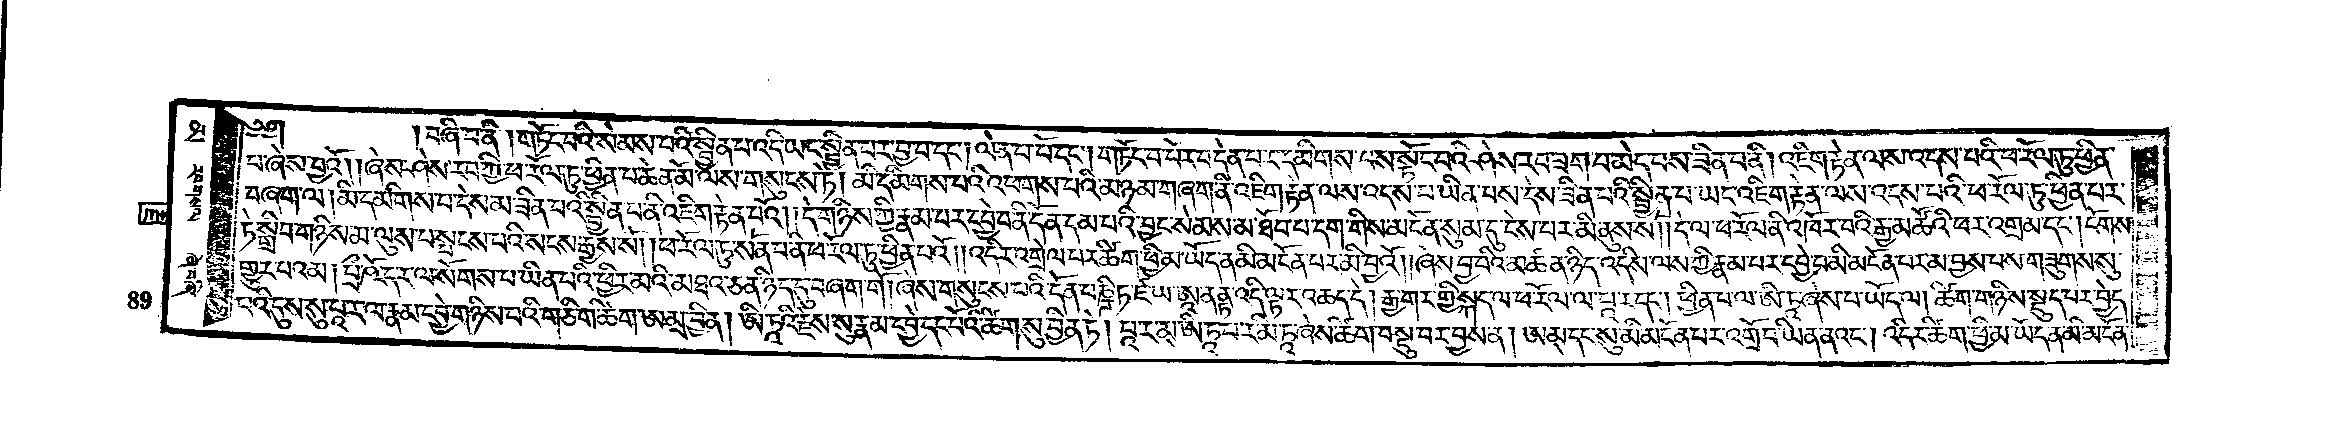༄༅། །བཞི་པ་ནི། གཏོང་བའི་སེམས་པའི་སྦྱིན་པ་འདི་ཡང་སྦྱིན་པར་བྱ་བ་དང་། ལེན་པ་པོ་དང་། གཏོང་བ་པོར་བདེན་པར་དམིགས་པས་སྟོང་པའི་ཤེས་རབ་ཟག་པ་མེད་པས་ཟིན་པ་ནི། འཇིག་རྟེན་ལས་འདས་པའི་ཕ་རོལ་ཏུ་ཕྱིན་
པ་ཞེས་བྱའོ། །ཞེས་ཤེས་རབ་ཀྱི་ཕ་རོལ་ཏུ་ཕྱིན་པ་ཆེན་མོ་ལས་གསུངས་ཏེ། མི་དམིགས་པའི་འཕགས་པའི་མཉམ་གཞག་ནི་འཇིག་རྟེན་ལས་འདས་པ་ཡིན་པས་དེས་ཟིན་པའི་སྦྱིན་པ་ཡང་འཇིག་རྟེན་ལས་འདས་པའི་ཕ་རོལ་ཏུ་ཕྱིན་པར་
བཞག་ལ། མི་དམིགས་པ་དེས་མ་ཟིན་པའི་སྦྱིན་པ་ནི་འཇིག་རྟེན་པའོ། །དེ་གཉིས་ཀྱི་རྣམ་པར་དབྱེ་བ་ནི་དོན་དམ་པའི་བྱང་སེམས་མ་ཐོབ་པ་དག་གིས་མངོན་སུམ་དུ་ངེས་པར་མི་ནུས་སོ། །དེ་ལ་ཕ་རོལ་ནི་འཁོར་བའི་རྒྱ་མཚོའི་ཕར་འགྲམ་དང་། ངོགས་
ཏེ་སྒྲིབ་གཉིས་མ་ལུས་པ་སྤངས་པའི་སངས་རྒྱས་སོ། །ཕ་རོལ་ཏུ་སོན་པ་ནི་ཕ་རོལ་ཏུ་ཕྱིན་པའོ། །འདིར་འགྲེལ་པར་ཚིག་ཕྱི་མ་ཡོད་ན་མི་མངོན་པར་མི་བྱའོ། །ཞེས་བྱ་བའི་མཚན་ཉིད་འདིས་ལས་ཀྱི་རྣམ་པར་དབྱེ་བ་མི་མངོན་པར་མ་བྱས་པས་གཟུགས་སུ་
གྱུར་པའམ། པྲྀ་ཥོ་ད་ར་ལ་སོགས་པ་ཡིན་པའི་ཕྱིར་མའི་མཐའ་ཅན་ཉིད་དུ་བཞག་གོ །ཞེས་གསུངས་པའི་དོན་པཎྜི་ཏ་ཛ་ཡ་ཨཱ་ནྟ་འདི་ལྟར་འཆད་དེ། རྒྱ་གར་གྱི་སྐད་ལ་ཕ་རོལ་ལ་པཱ་ར་དང་། ཕྱིན་པ་ལ་ཨི་ཏཱ་ཞེས་པ་ཡོད་ལ། ཚིག་གཉིས་སྡུད་པར་བྱེད་
པའི་དུས་སུ་པཱ་ར་ལ་རྣམ་དབྱེ་གཉིས་པའི་གཅིག་ཚིག་ཨམ་བྱིན། ཨི་ཏཱའི་རྗེས་སུ་རྣམ་དབྱེ་དང་པོའི་ཚིག་སུ་བྱིན་ཏེ། པཱ་ར་མ་ཨི་ཏཱ་པ་ར་མི་ཏཱ་ཞེས་ཚིག་བསྡུ་བར་བྱས་ན། ཨམ་དང་སུ་མི་མངོན་པར་འགྲོ་བ་ཡིན་ནའང་། འདིར་ཚིག་ཕྱི་མ་ཡོད་ན་མི་མངོན་